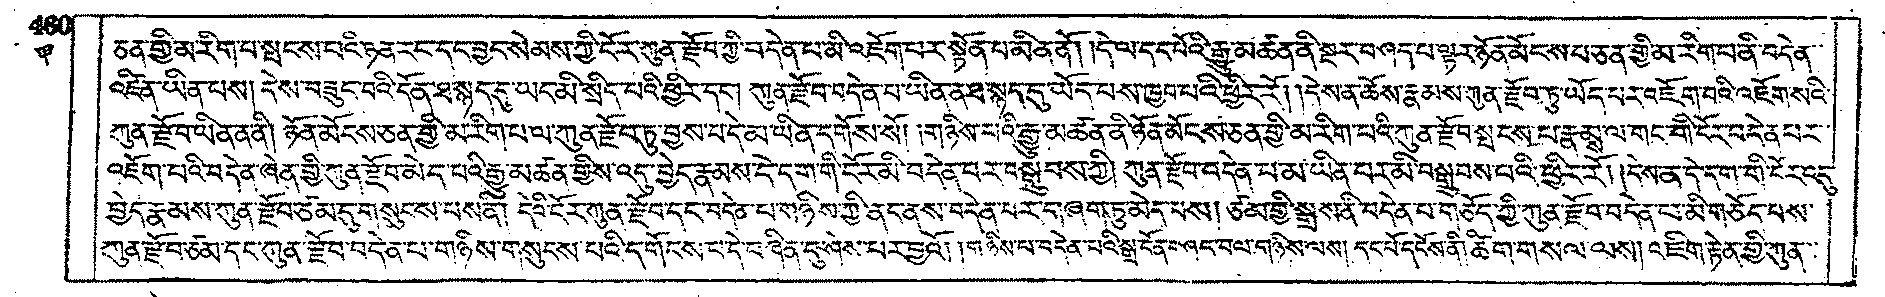ཅན་གྱི་མ་རིག་པ་སྤངས་པའི་ཉན་རང་དང་བྱང་སེམས་ཀྱི་ངོར་ཀུན་རྫོབ་ཀྱི་བདེན་པ་མི་འཇོག་པར་སྟོན་པ་མིན་ནོ། །དེ་ལ་དང་པོའི་རྒྱུ་མཚན་ནི་སྔར་བཤད་པ་ལྟར་ཉོན་མོངས་པ་ཅན་གྱི་མ་རིག་པ་ནི་བདེན་
འཛིན་ཡིན་པས། དེས་བཟུང་བའི་དོན་ཐ་སྙད་དུ་ཡང་མི་སྲིད་པའི་ཕྱིར་དང་། ཀུན་རྫོབ་བདེན་པ་ཡིན་ན་ཐ་སྙད་དུ་ཡོད་པས་ཁྱབ་པའི་ཕྱིར་རོ། །དེས་ན་ཆོས་རྣམས་ཀུན་རྫོབ་ཏུ་ཡོད་པར་འཇོག་པའི་འཇོག་སའི་
ཀུན་རྫོབ་ཡིན་ན་ནི། ཉོན་མོངས་ཅན་གྱི་མ་རིག་པ་ལ་ཀུན་རྫོབ་ཏུ་བྱས་པ་དེ་མ་ཡིན་དགོས་སོ། །གཉིས་པའི་རྒྱུ་མཚན་ནི་ཉོན་མོངས་ཅན་གྱི་མ་རིག་པའི་ཀུན་རྫོབ་སྤངས་པ་རྣམས་ལ་གང་གི་ངོར་བདེན་པར་
འཇོག་པའི་བདེན་ཞེན་གྱི་ཀུན་རྫོབ་མེད་པའི་རྒྱུ་མཚན་གྱིས་འདུ་བྱེད་རྣམས་དེ་དག་གི་ངོར་མི་བདེན་པར་བསྒྲུབས་ཀྱི། ཀུན་རྫོབ་བདེན་པ་མ་ཡིན་པར་མི་བསྒྲུབས་པའི་ཕྱིར་རོ། །དེས་ན་དེ་དག་གི་ངོར་འདུ་
བྱེད་རྣམས་ཀུན་རྫོབ་ཙམ་དུ་གསུངས་པས་ནི། དེའི་ངོར་ཀུན་རྫོབ་དང་བདེན་པ་གཉིས་ཀྱི་ནང་ནས་བདེན་པར་གཞག་ཏུ་མེད་པས། ཙམ་གྱི་སྒྲས་ནི་བདེན་པ་གཅོད་ཀྱི་ཀུན་རྫོབ་བདེན་པ་མི་གཅོད་པས་
ཀུན་རྫོབ་ཙམ་དང་ཀུན་རྫོབ་བདེན་པ་གཉིས་གསུངས་པའི་དགོངས་པ་དེ་བཞིན་དུ་ཤེས་པར་བྱའོ། །གཉིས་པ་བདེན་པའི་སྒྲ་དོན་བཤད་པ་ལ་གཉིས་ལས། དང་པོ་དངོས་ནི།  ཚིག་གསལ་ལས། འཇིག་རྟེན་གྱི་ཀུན་